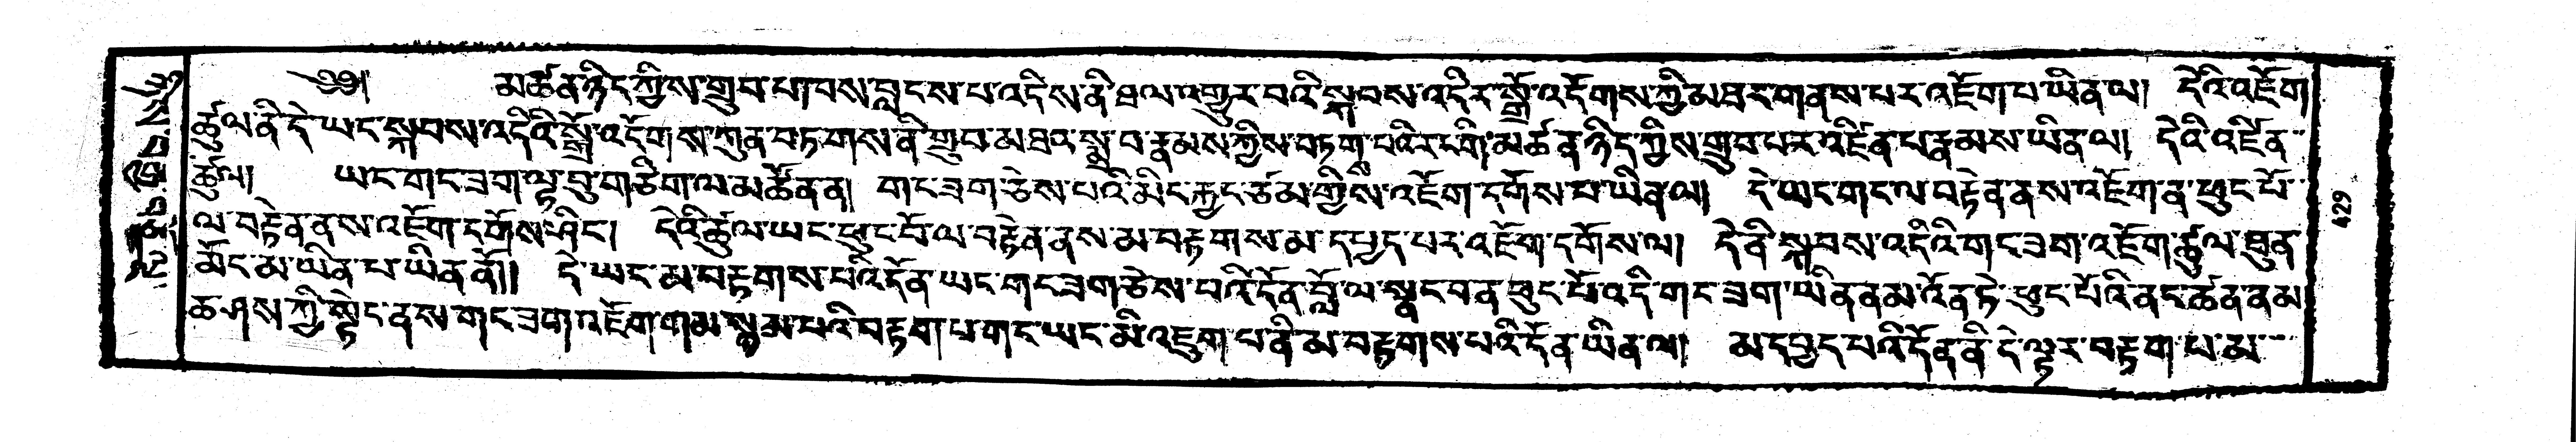༄༅། །མཚན་ཉིད་ཀྱིས་གྲུབ་པ་ཁས་བླངས་པ་འདིས་ནི་ཐལ་འགྱུར་བའི་སྐབས་འདིར་སྒྲོ་འདོགས་ཀྱི་མཐར་གནས་པར་འཇོག་པ་ཡིན་ལ། དེའི་འཇོག་
ཚུལ་ནི་དེ་ཡང་སྐབས་འདིའི་སྒྲོ་འདོགས་ཀུན་བཏགས་ནི་གྲུབ་མཐའ་སྨྲ་བ་རྣམས་ཀྱིས་བཏགས་པའི་རང་གི་མཚན་ཉིད་ཀྱིས་གྲུབ་པར་འཛིན་པ་རྣམས་ཡིན་ལ། དེའི་འཛིན་
ཚུལ། ཡང་གང་ཟག་ལྟ་བུ་གཅིག་ལ་མཚོན་ན། གང་ཟག་ཅེས་པའི་མིང་རྐྱང་ཙམ་གྱིས་འཇོག་དགོས་པ་ཡིན་ལ། དེ་ཡང་གང་ལ་བརྟེན་ནས་འཇོག་ན་ཕུང་པོ་
ལ་བརྟེན་ནས་འཇོག་དགོས་ཤིང་། དེའི་ཚུལ་ཡང་ཕུང་པོ་ལ་བརྟེན་ནས་མ་བརྟགས་མ་དཔྱད་པར་འཇོག་དགོས་ལ། དེ་ནི་སྐབས་འདིའི་གང་ཟག་འཇོག་ཚུལ་ཐུན་
མོང་མ་ཡིན་པ་ཡིན་ནོ། །དེ་ཡང་མ་བརྟགས་པའི་དོན་ཡང་གང་ཟག་ཅེས་པའི་དོན་བློ་ལ་སྣང་བ་ན་ཕུང་པོ་འདི་གང་ཟག་ཡིན་ནམ་འོན་ཏེ་ཕུང་པོའི་ནང་ཚན་ནམ་
ཆ་ཤས་ཀྱི་སྟེང་ནས་གང་ཟག་འཇོག་གམ་སྙམ་པའི་བརྟག་པ་གང་ཡང་མི་འཇུག་པ་ནི་མ་བརྟགས་པའི་དོན་ཡིན་ལ། མ་དཔྱད་པའི་དོན་ནི་དེ་ལྟར་བརྟག་པ་མ་